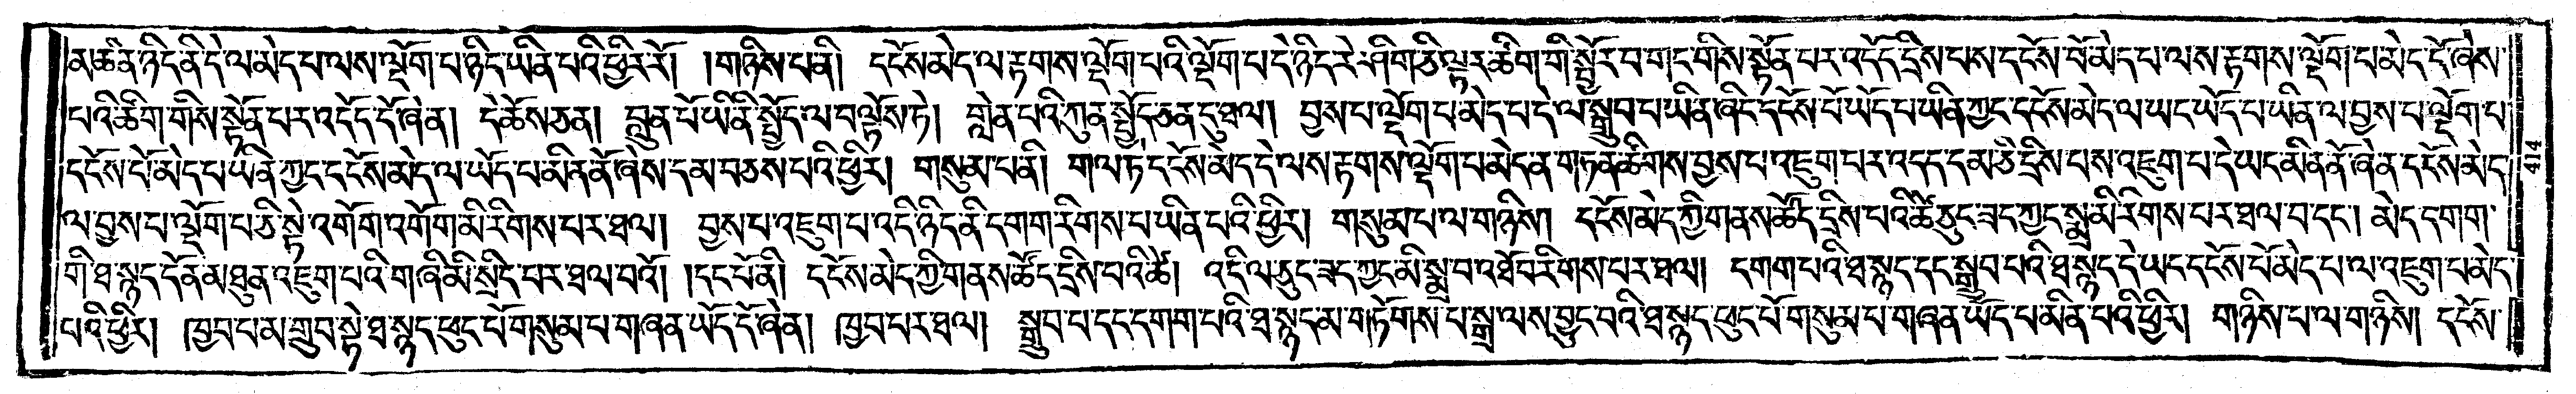མཚན་ཉིད་ནི་དེ་ལ་མེད་པ་ལས་ལྡོག་པ་ཉིད་ཡིན་པའི་ཕྱིར་རོ། །གཉིས་པ་ནི། དངོས་མེད་ལ་རྟགས་ལྡོག་པའི་ལྡོག་པ་དེ་ཉིད་རེ་ཤིག་ཅི་ལྟར་ཚིག་གི་སྦྱོར་བ་གང་གིས་སྟོན་པར་འདོད་དྲིས་པས་དངོས་པོ་མེད་པ་ལས་རྟགས་ལྡོག་པ་མེད་དོ་ཞེས་
པའི་ཚིག་གིས་སྟོན་པར་འདོད་དོ་ཞེ་ན། དེ་ཆོས་ཅན། བླུན་པོ་ཡི་ནི་སྤྱོད་ལ་བལྟོས་ཏེ། གླེན་པའི་ཀུན་སྤྱོད་ཅན་དུ་ཐལ། བྱས་པ་ལྡོག་པ་མེད་པ་དེ་ལ་སྒྲུབ་པ་ཡིན་ཞིང་དངོས་པོ་ཡོད་པ་ཡིན་ཀྱང་དངོས་མེད་ལ་ཡང་ཡོད་པ་ཡིན་ལ་བྱས་པ་ལྡོག་པ་
དངོས་པོ་མེད་པ་ཡིན་ཀྱང་དངོས་མེད་ལ་ཡོད་པ་མིན་ནོ་ཞེས་དམ་བཅས་པའི་ཕྱིར། གསུམ་པ་ནི། གལ་ཏེ་དངོས་མེད་དེ་ལས་རྟགས་ལྡོག་པ་མེད་ན་གཏན་ཚིགས་བྱས་པ་འཇུག་པར་འདད་དམ་ཅི་དྲིས་པས་འཇུག་པ་དེ་ཡང་མིན་ནོ་ཞེན་དངོས་མེད་
ལ་བྱས་པ་ལྡོག་པ་ཅི་སྟེ་འགོག་འགོག་མི་རིགས་པར་ཐལ། བྱས་པ་འཇུག་པ་འདི་ཉིད་ནི་དགག་རིགས་པ་ཡིན་པའི་ཕྱིར། གསུམ་པ་ལ་གཉིས། དངོས་མེད་ཀྱི་གནས་ཚོད་དྲིས་པའི་ཚེ་ཅུང་ཟད་ཀྱང་སྨྲ་མི་རིགས་པར་ཐལ་བ་དང་། མེད་དགག་
གི་ཐ་སྙད་དོན་མཐུན་འཇུག་པའི་གཞི་མི་སྲིད་པར་ཐལ་བའོ། །དང་པོ་ནི། དངོས་མེད་ཀྱི་གནས་ཚོད་དྲིས་པའི་ཚེ། འདི་ལ་ཅུང་ཟད་ཀྱང་མི་སྨྲ་བ་འཐོབ་རིགས་པར་ཐལ། དགག་པའི་ཐ་སྙད་དང་སྒྲུབ་པའི་ཐ་སྙད་དེ་ཡང་དངོས་པོ་མེད་པ་ལ་འཇུག་པ་མེད་
པའི་ཕྱིར། ཁྱབ་པ་མ་གྲུབ་སྟེ་ཐ་སྙད་ཕུང་པོ་གསུམ་པ་གཞན་ཡོད་དོ་ཞེ་ན། ཁྱབ་པར་ཐལ། སྒྲུབ་པ་དང་དགག་པའི་ཐ་སྙད་མ་གཏོགས་པ་སྒྲ་ལས་བྱུང་བའི་ཐ་སྙད་ཕུང་པོ་གསུམ་པ་གཞན་ཡོད་པ་མིན་པའི་ཕྱིར། གཉིས་པ་ལ་གཉིས། དངོས་